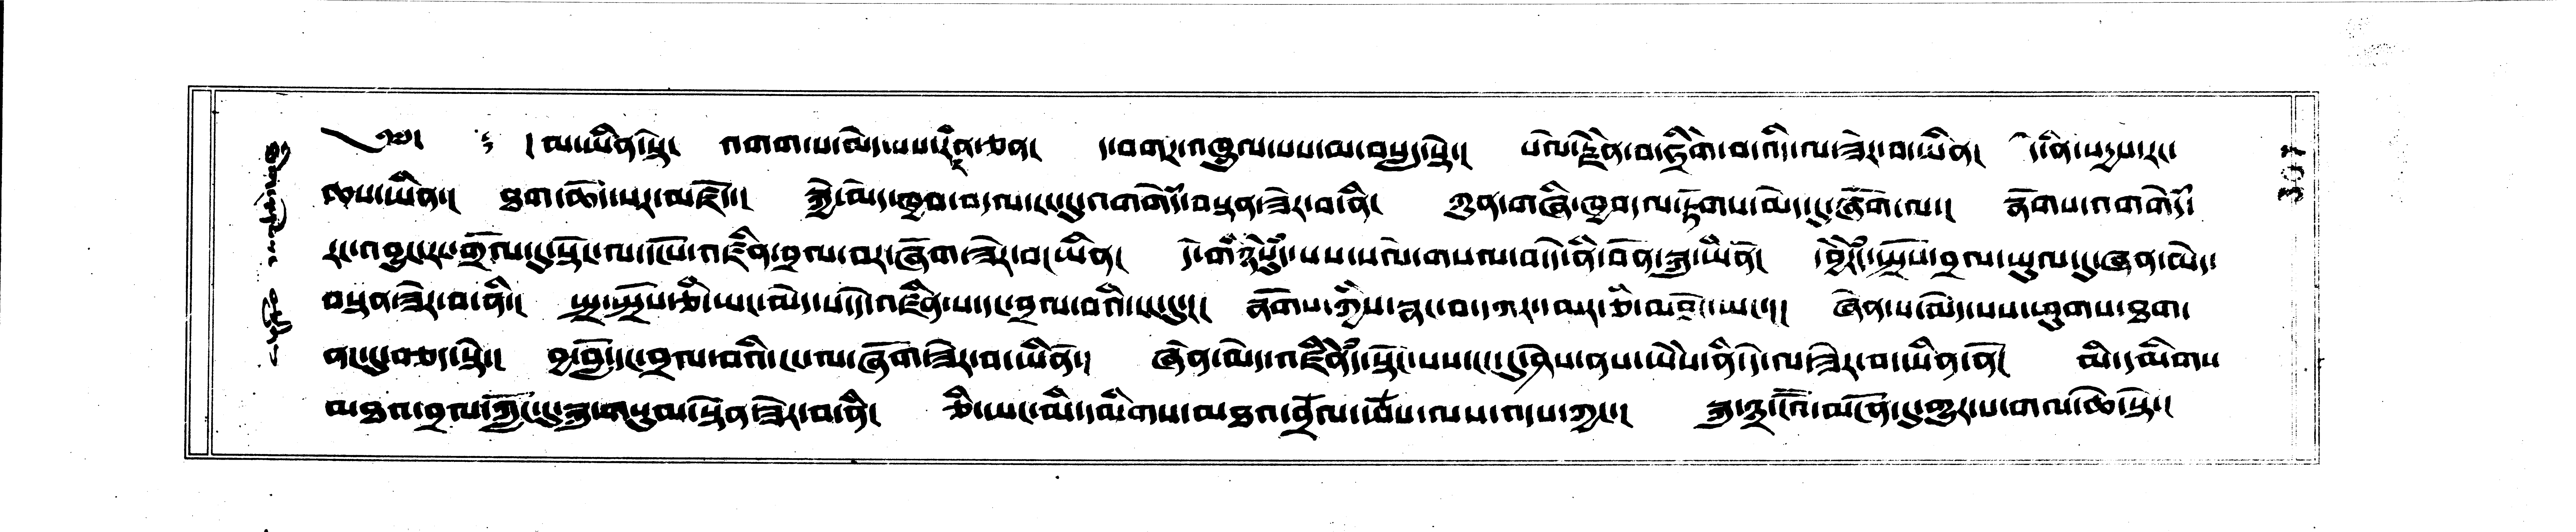མ་ཡིན་ཏེ། འགགས་པ་མེད་པའི་རང་བཞིན་ཅན། དེ་བག་འཁྲུལ་པས་མ་བསླད་དེ། སལེ་རྗེན་ནེ་ཧྲིག་གེ་བ་འདི་ལས་ཟེར་བ་ཡིན། འདི་ནི་སངས་རྒྱས་རང་
ཆས་ཡིན་ནོ། ཐག་ཆོད་པར་མཛོད་ སྐྱེ་མེད་ཁྱབ་བདལ་ངང་དུ་འགག་མེད་བསྟན་ཟེར་བ་ནི། ཀུན་ཁྱབ་ཁྱབ་བདལ་རྟོག་མེད་དུ་ཞོག་ལ། སྣ་ཚོགས་འགག་མེད་ང་
འབྱུང་རང་གྲོལ་དུ།སྟོང་པ་དངོས་འཛིན་བྲལ་བར་ཞོག་ཟེར་བ་ཡིན། དེ་གཉིས་སུ་མེད་དེ་སལེ་གསལ་བ་དེ་ཉིད་བོན་སྐུ་ཡིན་ནོ། བྱར་མེད་སྤྲོས་བྲལ་གྱིས་ངང་དུ་ཞེམེད་
བསྟན་ཟེར་བ་ནི། སྤྲ་སྤྲོ་ཅི་ཡང་མེད་དེ་འཛིན་པ་དང་བྲལ་བའི་ངང་དུ། སྣ་ཚོགས་ཀྱིས་སྣང་བ་དཀར་དམར་ཅི་འཕྲོས་མཐོང་ཡང་། ཞེན་པ་མེད་པའི་ཕུ་ཐག་
ནང་དུ་བཅད་དེ། བྱར་བློ་དང་བྲལ་བའི་ངང་ལ་ཞོག་ཟེར་བ་ཡིན་ནོ། ཞེན་མེད་འཛིན་མེད་སྟོང་པའི་ངང་དུ་ཤེས་ན། ཡེ་ཤེས་ནི་དེ་ལ་ཟེར་བ་ཡིན་ནོ། མི་དམིགས་
མཐའ་བྲལ་གྱིས་ངང་དུ་སྐུ་གསུམ་བསྟན་ཟེར་བ་ནི། ཅི་ཡང་མ་ཡིན་མི་དམིགས་མཐའ་ལས་འདས་ཀྱང་། སྐུ་གསུམ་མངོན་དུ་གྱུར་པ་གལ་ཆེ་སྟེ།